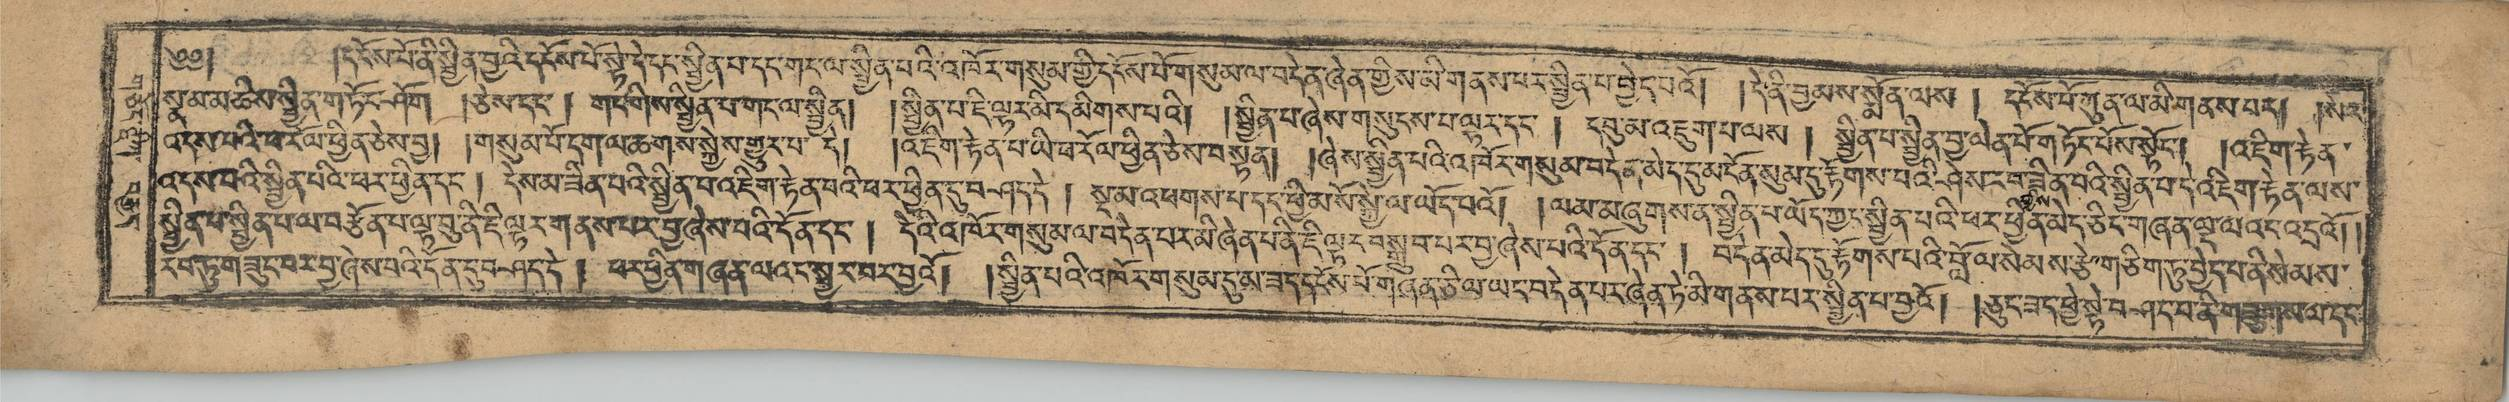༄༅། །དངོས་པོ་ནི་སྦྱིན་བྱའི་དངོས་པོ་སྟེ་དེ་དང་སྦྱིན་པ་དང་གང་ལ་སྦྱིན་པའི་འཁོར་གསུམ་གྱི་དངོས་པོ་གསུམ་ལ་བདེན་ཞེན་གྱིས་མི་གནས་པར་སྦྱིན་པ་བྱེད་པའོ། །དེ་ནི་བྱམས་སྨོན་ལས། དངོས་པོ་ཀུན་ལ་མི་གནས་པར། སེར་
སྣ་མ་མཆིས་སྦྱིན་གཏོང་ཤོག །ཅེས་དང་། གང་གིས་སྦྱིན་པ་གང་ལ་སྦྱིན། །སྦྱིན་པ་ཇི་ལྟར་མི་དམིགས་པའི། །སྦྱིན་པ་ཞེས་གསུངས་པ་ལྟར་དང་། དབུ་མ་འཇུག་པ་ལས། སྦྱིན་པ་སྦྱིན་བྱ་ལེན་པོ་གཏོང་པོས་སྟོང་། །འཇིག་རྟེན་
འདས་པའི་ཕ་རོལ་ཕྱིན་ཅེས་བྱ། །གསུམ་པོ་དག་ལ་ཆགས་སྐྱེས་གྱུར་པ་དེ། །འཇིག་རྟེན་པ་ཡི་ཕ་རོལ་ཕྱིན་ཅེས་བསྟན། །ཞེས་སྦྱིན་པའི་འཁོར་གསུམ་བདེན་མེད་དུ་མངོན་སུམ་དུ་རྟོགས་པའི་ཤེས་རབ་ཟིན་པའི་སྦྱིན་པ་དེ་འཇིག་རྟེན་ལས་
འདས་པའི་སྦྱིན་པའི་ཕར་ཕྱིན་དང་། དེས་མ་ཟིན་པའི་སྦྱིན་པ་འཇིག་རྟེན་པའི་ཕར་ཕྱིན་དུ་བཤད་དེ། སྔ་མ་འཕགས་པ་དང་ཕྱི་མ་སོ་སྐྱེ་ལ་ཡོད་པའོ། །ལམ་མ་ཞུགས་ན་སྦྱིན་པ་ཡོད་ཀྱང་སྦྱིན་པའི་ཕར་ཕྱིན་མེད་ཅིང་གཞན་ལྔ་ལའང་འདྲའོ། །
སྦྱིན་པ་སྦྱིན་པ་ལ་བརྩོན་པ་ལྟ་བུ་ནི་ཇི་ལྟར་གནས་པར་བྱ་ཞེས་པའི་དོན་དང་། དེའི་འཁོར་གསུམ་ལ་བདེན་པར་མི་ཞེན་པ་ནི་ཇི་ལྟར་བསྒྲུབ་པར་བྱ་ཞེས་པའི་དོན་དང་། བདེན་མེད་དུ་རྟོགས་པའི་བློ་ལ་སེམས་རྩེ་གཅིག་ཏུ་བྱེད་པ་ནི་སེམས་
རབ་ཏུ་གཟུང་བར་བྱ་ཞེས་པའི་དོན་དུ་བཤད་དེ། ཕར་ཕྱིན་གཞན་ལའང་སྦྱར་བར་བྱའོ། །སྦྱིན་པའི་འཁོར་གསུམ་དུ་མ་ཟད་དངོས་པོ་གཞན་ཅི་ལ་ཡང་བདེན་པར་ཞེན་ཏེ་མི་གནས་པར་སྦྱིན་པ་བྱའོ། །ཅུང་ཟད་ཕྱེ་སྟེ་བཤད་པ་ནི་གཟུགས་ལ་དང་